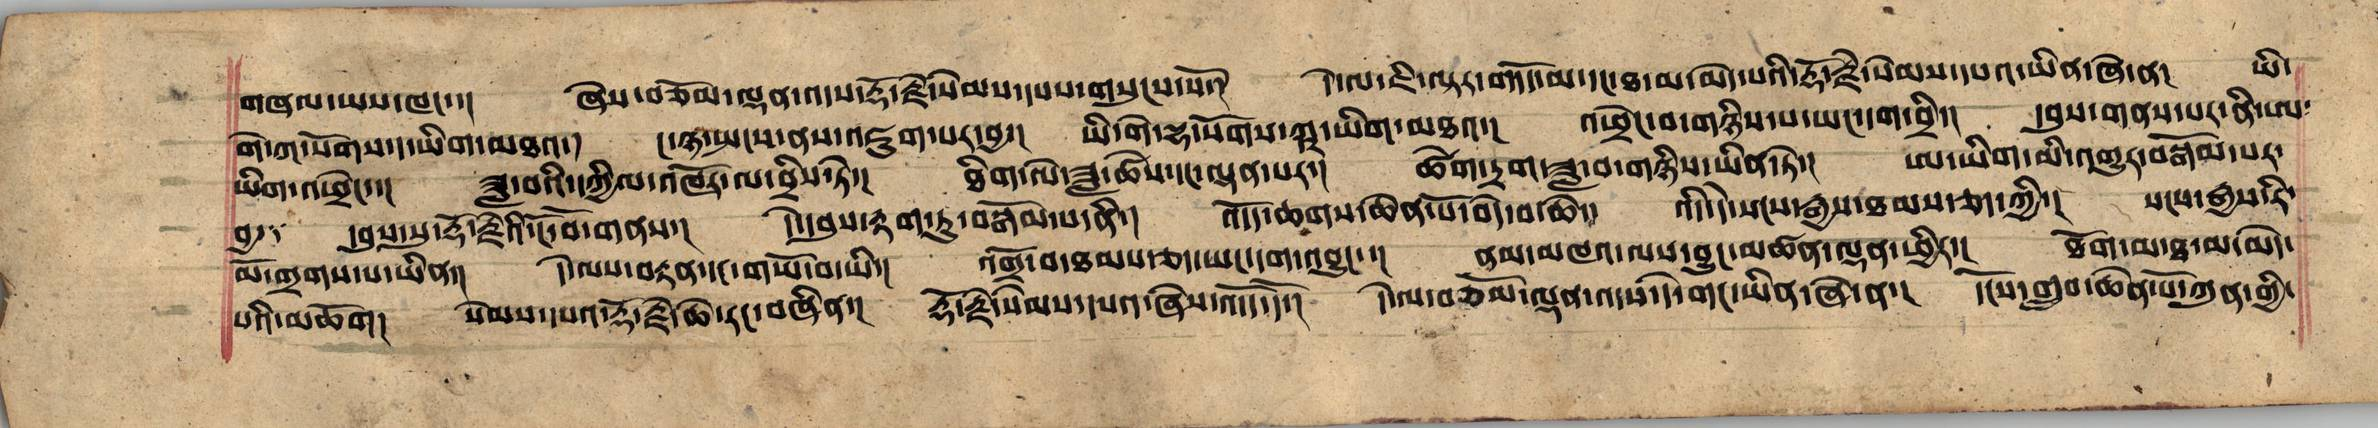གཞལ་ཡས་ཁང་། ཞེས་བཅོམ་ལྡན་འདས་རྡོ་རྗེ་སེམས་དཔས་གསུངས་སོ་། དེ་ལ་ཇི་ལྟར་གདོད་མ་དང་ཐ་མ་མེད་པའི་རྡོ་རྗེ་སེམས་དཔའ་ཡིན་ཞེ་ན་། ཡི་
གེ་ཀ་སོགས་ད་ཡིག་མཐའ་། ང་ཉ་སྤངས་ནས་འཇུག་པར་བྱ་། ཡི་གེ་དྷ་སོགས་ཀྵ་ཡིག་མཐའ་། འཕྲེང་བ་གཉིས་པ་ཡང་དག་བྲི་། དབུས་གནས་པར་ནི་ཨ་
ཡིག་འཕྲེང་་། ཟླ་བའི་དཀྱིལ་འཁོར་ལ་བྲིས་ཏེ་། ཐིག་ལེ་ཟླ་ཚེས་དང་ལྡན་པར་། ཚེག་དྲག་ཟླ་བ་གཉིས་ཡིན་ཏེ་། ཨ་ཡིག་མི་འགྱུར་བསྒོམ་པར་
བྱ་། དབུས་སུ་རྡོ་རྗེ་ངོ་བོ་གནས་། དེ་དབུས་རྟག་ཏུ་བསྒོམ་པ་ནི་། འདོད་ཆགས་ཆེན་པོ་བདེ་བ་ཆེ་། འདི་དེ་སངས་རྒྱས་ཐམས་ཅད་ཀྱི་། སངས་རྒྱས་རི་
མོ་གྲགས་པ་ཡིན་། དེ་ལས་བརྟན་དང་གཡོ་བ་ཡི་། འགྲོ་བ་ཐམས་ཅད་ཡང་དག་འབྱུང་་། ནམ་མཁའ་ལས་བྱུང་མཚན་ལྡན་ཕྱིར་། ཐོག་མ་ཐ་མ་མེད་
པའི་མཆོག། སེམས་དཔའ་རྡོ་རྗེ་ཆེ་རང་བཞིན་། རྡོ་རྗེ་སེམས་དཔའ་ཞེས་འདོད་དོ་། དེ་ལ་བཅོམ་ལྡན་འདས་དེ་གང་ཡིན་ཞེ་ན་། དངོས་གྲུབ་ཆེན་པོ་ཀུན་གྱི་